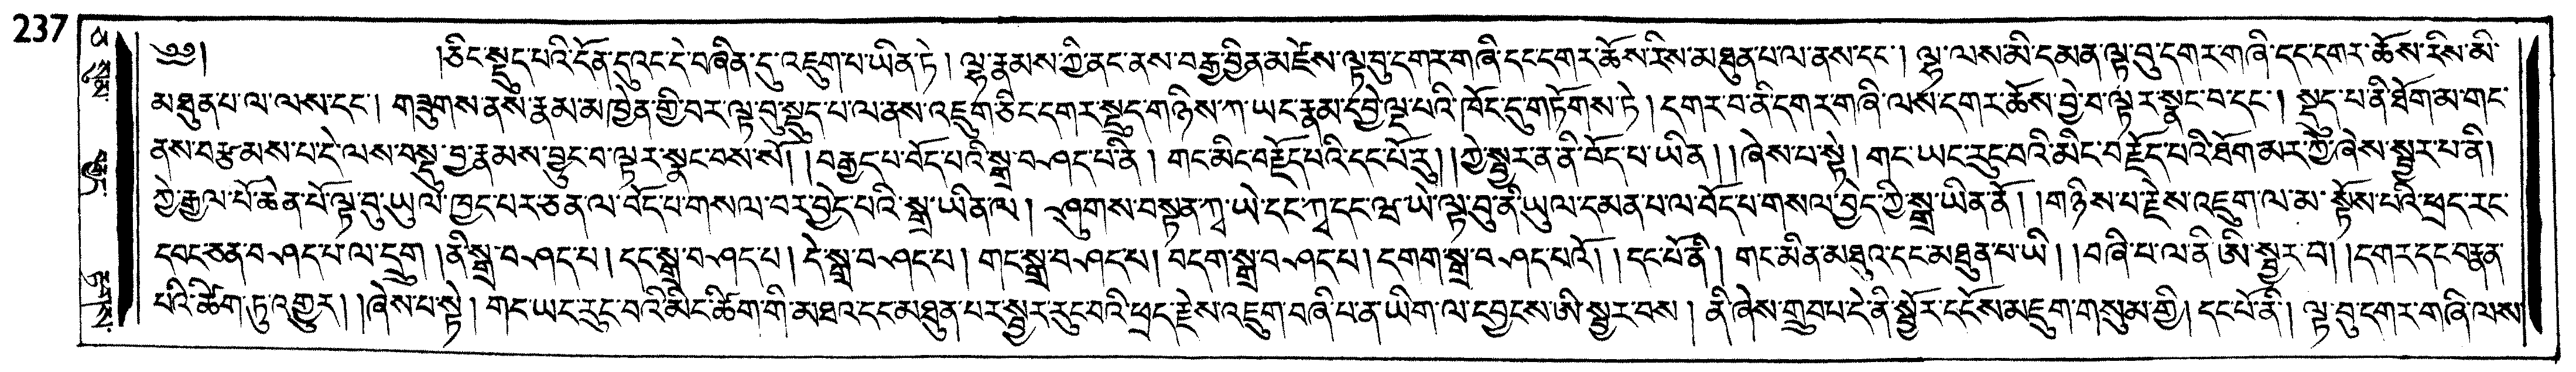༄༅། །ཅིང་སྡུད་པའི་དོན་དུའང་དེ་བཞིན་དུ་འཇུག་པ་ཡིན་ཏེ། ལྷ་རྣམས་ཀྱི་ནང་ནས་བརྒྱ་བྱིན་མཛེས་ལྟ་བུ་དགར་གཞི་དང་དགར་ཆོས་རིས་མཐུན་པ་ལ་ནས་དང་། ལྷ་ལས་མི་དམན་ལྟ་བུ་དགར་གཞི་དང་དགར་ཆོས་རིས་མི་
མཐུན་པ་ལ་ལས་དང་། གཟུགས་ནས་རྣམས་མཁྱེན་གྱི་བར་ལྟ་བུ་སྡུད་པ་ལ་ནས་འཇུག་ཅིང་དགར་སྡུད་གཉིས་ཀ་ཡང་རྣམ་དབྱེ་ལྔ་པའི་ཁོང་དུ་གཏོགས་ཏེ། དགར་བ་ནི་དགར་གཞི་ལས་དགར་ཆོས་བྱེ་བ་ལྟར་སྣང་བ་དང་། སྡུད་པ་ནི་ཐོག་མ་གང་
ནས་བརྩམས་པ་དེ་ལས་བསྡུ་བྱ་རྣམས་བྱུང་བ་ལྟར་སྣང་བས་སོ། །བརྒྱད་པ་བོད་པའི་སྒྲ་བཤད་པ་ནི། གང་མིང་བརྗོད་པའི་དང་པོ་རུ། །ཀྱེ་སྦྱར་ན་ནི་བོད་པ་ཡིན། །ཞེས་པ་སྟེ། གང་ཡང་རུང་བའི་མིང་བརྗོད་པའི་ཐོག་མར་ཀྱེ་ཞེས་སྦྱར་པ་ནི།
ཀྱེ་རྒྱལ་པོ་ཆེན་པོ་ལྟ་བུ་ཡུལ་ཁྱད་པར་ཅན་ལ་བོད་པ་གསལ་བར་བྱེད་པའི་སྒྲ་ཡིན་ལ། ཤུགས་བསྟན་ཀྭ་ཡེ་དང་ཀྭ་དང་ཝ་ཡེ་ལྟ་བུ་ནི་ཡུལ་དམན་པ་ལ་བོད་པ་གསལ་བྱེད་ཀྱི་སྒྲ་ཡིན་ནོ། །གཉིས་པ་རྗེས་འཇུག་ལ་མ་སྟོས་པའི་ཕྲད་རང་
དབང་ཅན་བཤད་པ་ལ་དྲུག །ནི་སྒྲ་བཤད་པ། དང་སྒྲ་བཤད་པ། དེ་སྒྲ་བཤད་པ། གང་སྒྲ་བཤད་པ། བདག་སྒྲ་བཤད་པ། དགག་སྒྲ་བཤད་པའོ། །དང་པོ་ནི། གང་མིན་མཐུའ་དང་མཐུན་པ་ཡི། །བཞི་པ་ལ་ནི་ཨི་སྦྱར་བ། །དགར་དང་བརྣན་
པའི་ཚིག་ཏུ་འགྱུར། །ཞེས་པ་སྟེ། གང་ཡང་རུང་བའི་མིང་ཚིག་གི་མཐའ་དང་མཐུན་པར་སྦྱར་རུང་བའི་ཕྲད་རྗེས་འཇུག་བཞི་པ་ན་ཡིག་ལ་དབྱངས་ཨི་སྦྱར་བས། ནི་ཞེས་གྲུབ་པ་དེ་ནི་སྦྱོར་དངོས་མཇུག་གསུམ་གྱི། དང་པོ་ནི། ལྟ་བུ་དགར་གཞི་ལས་